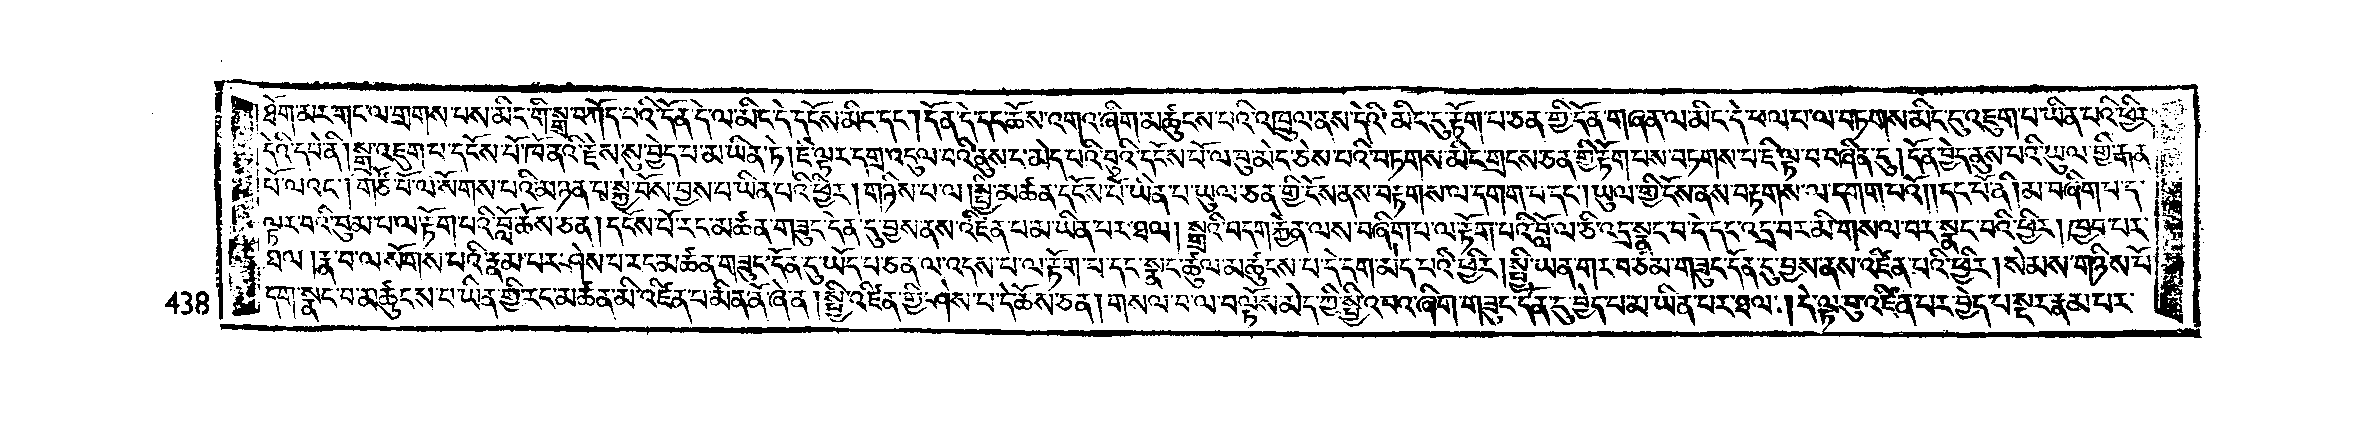ཐོག་མར་གང་ལ་གྲགས་པས་མིང་གི་སྒྲ་བཀོད་པའི་དོན་དེ་ལ་མིང་དེ་དངོས་མིང་དང་། དོན་དེ་དང་ཆོས་འགའ་ཞིག་མཚུངས་པའི་འཁྲུལ་ནས་དེའི་མིང་དུ་རྟོག་པ་ཅན་གྱི་དོན་གཞན་ལ་མིང་དེ་ཕལ་པ་ལ་བཏགས་མིང་དུ་འཇུག་པ་ཡིན་པའི་ཕྱིར་
དེའི་དཔེ་ནི། སྒྲ་འཇུག་པ་དངོས་པོ་ཁོ་ནའི་རྗེས་སུ་བྱེད་པ་མ་ཡིན་ཏེ། ཇི་ལྟར་དགྲ་འདུལ་བའི་ནུས་པ་མེད་པའི་བུའི་དངོས་པོ་ལ་བུ་མེད་ཅེས་པའི་བཏགས་མིང་གྲངས་ཅན་གྱི་རྟོག་པས་བཏགས་པ་ཇི་ལྟ་བ་བཞིན་དུ། དོན་བྱེད་ནུས་པའི་ཡུལ་གྱི་རྒན་
པོ་ལའང་། གཙོ་བོ་ལ་སོགས་པའི་མཉན་པ་སྐྱེ་བོས་བྱས་པ་ཡིན་པའི་ཕྱིར། གཉིས་པ་ལ། སྤྱི་མཚན་དངོས་པོ་ཡིན་པ་ཡུལ་ཅན་གྱི་ངོས་ནས་བརྟགས་ལ་དགག་པ་དང་། ཡུལ་གྱི་ངོས་ནས་བརྟགས་ལ་དགག་པའོ། །དང་པོ་ནི། མ་བཞིག་པ་ད་
ལྟར་བའི་བུམ་པ་ལ་རྟོག་པའི་བློ་ཆོས་ཅན། དངོས་པོ་རང་མཚན་གཟུང་དོན་?་དུ་བྱས་ནས་འཛིན་པ་མ་ཡིན་པར་ཐལ། སྒྲའི་བདག་རྐྱེན་ལས་བཞིག་པ་ལ་རྟོག་པའི་བློ་ལ་ཅི་འདྲ་སྣང་བ་དེ་དང་འདྲ་བར་མི་གསལ་བར་སྣང་བའི་ཕྱིར། ཁྱབ་པར་
ཐལ། རྣ་བ་ལ་སོགས་པའི་རྣམ་པར་ཤེས་པ་རང་མཚན་གཟུང་དོན་དུ་ཡོད་པ་ཅན་ལ་འདས་པ་ལ་རྟོག་པ་དང་སྣང་ཚུལ་མཚུངས་པ་དེ་དག་མེད་པའི་ཕྱིར། སྤྱི་ཡན་གར་བ་ཙམ་གཟུང་དོན་དུ་བྱས་ནས་འཛིན་པའི་ཕྱིར། སེམས་གཉིས་པོ་
དག་སྣང་བ་མཚུངས་པ་ཡིན་གྱི་རང་མཚན་མི་འཛིན་པ་མིན་ནོ་ཞེ་ན། སྤྱི་འཛིན་གྱི་ཤེས་པ་དེ་ཆོས་ཅན། གསལ་བ་ལ་བལྟོས་མེད་ཀྱི་སྤྱི་འབའ་ཞིག་གཟུང་དོན་དུ་བྱེད་པ་མ་ཡིན་པར་ཐལ། དེ་ལྟ་བུ་འཛིན་པར་བྱེད་པ་སྔར་རྣམ་པར་